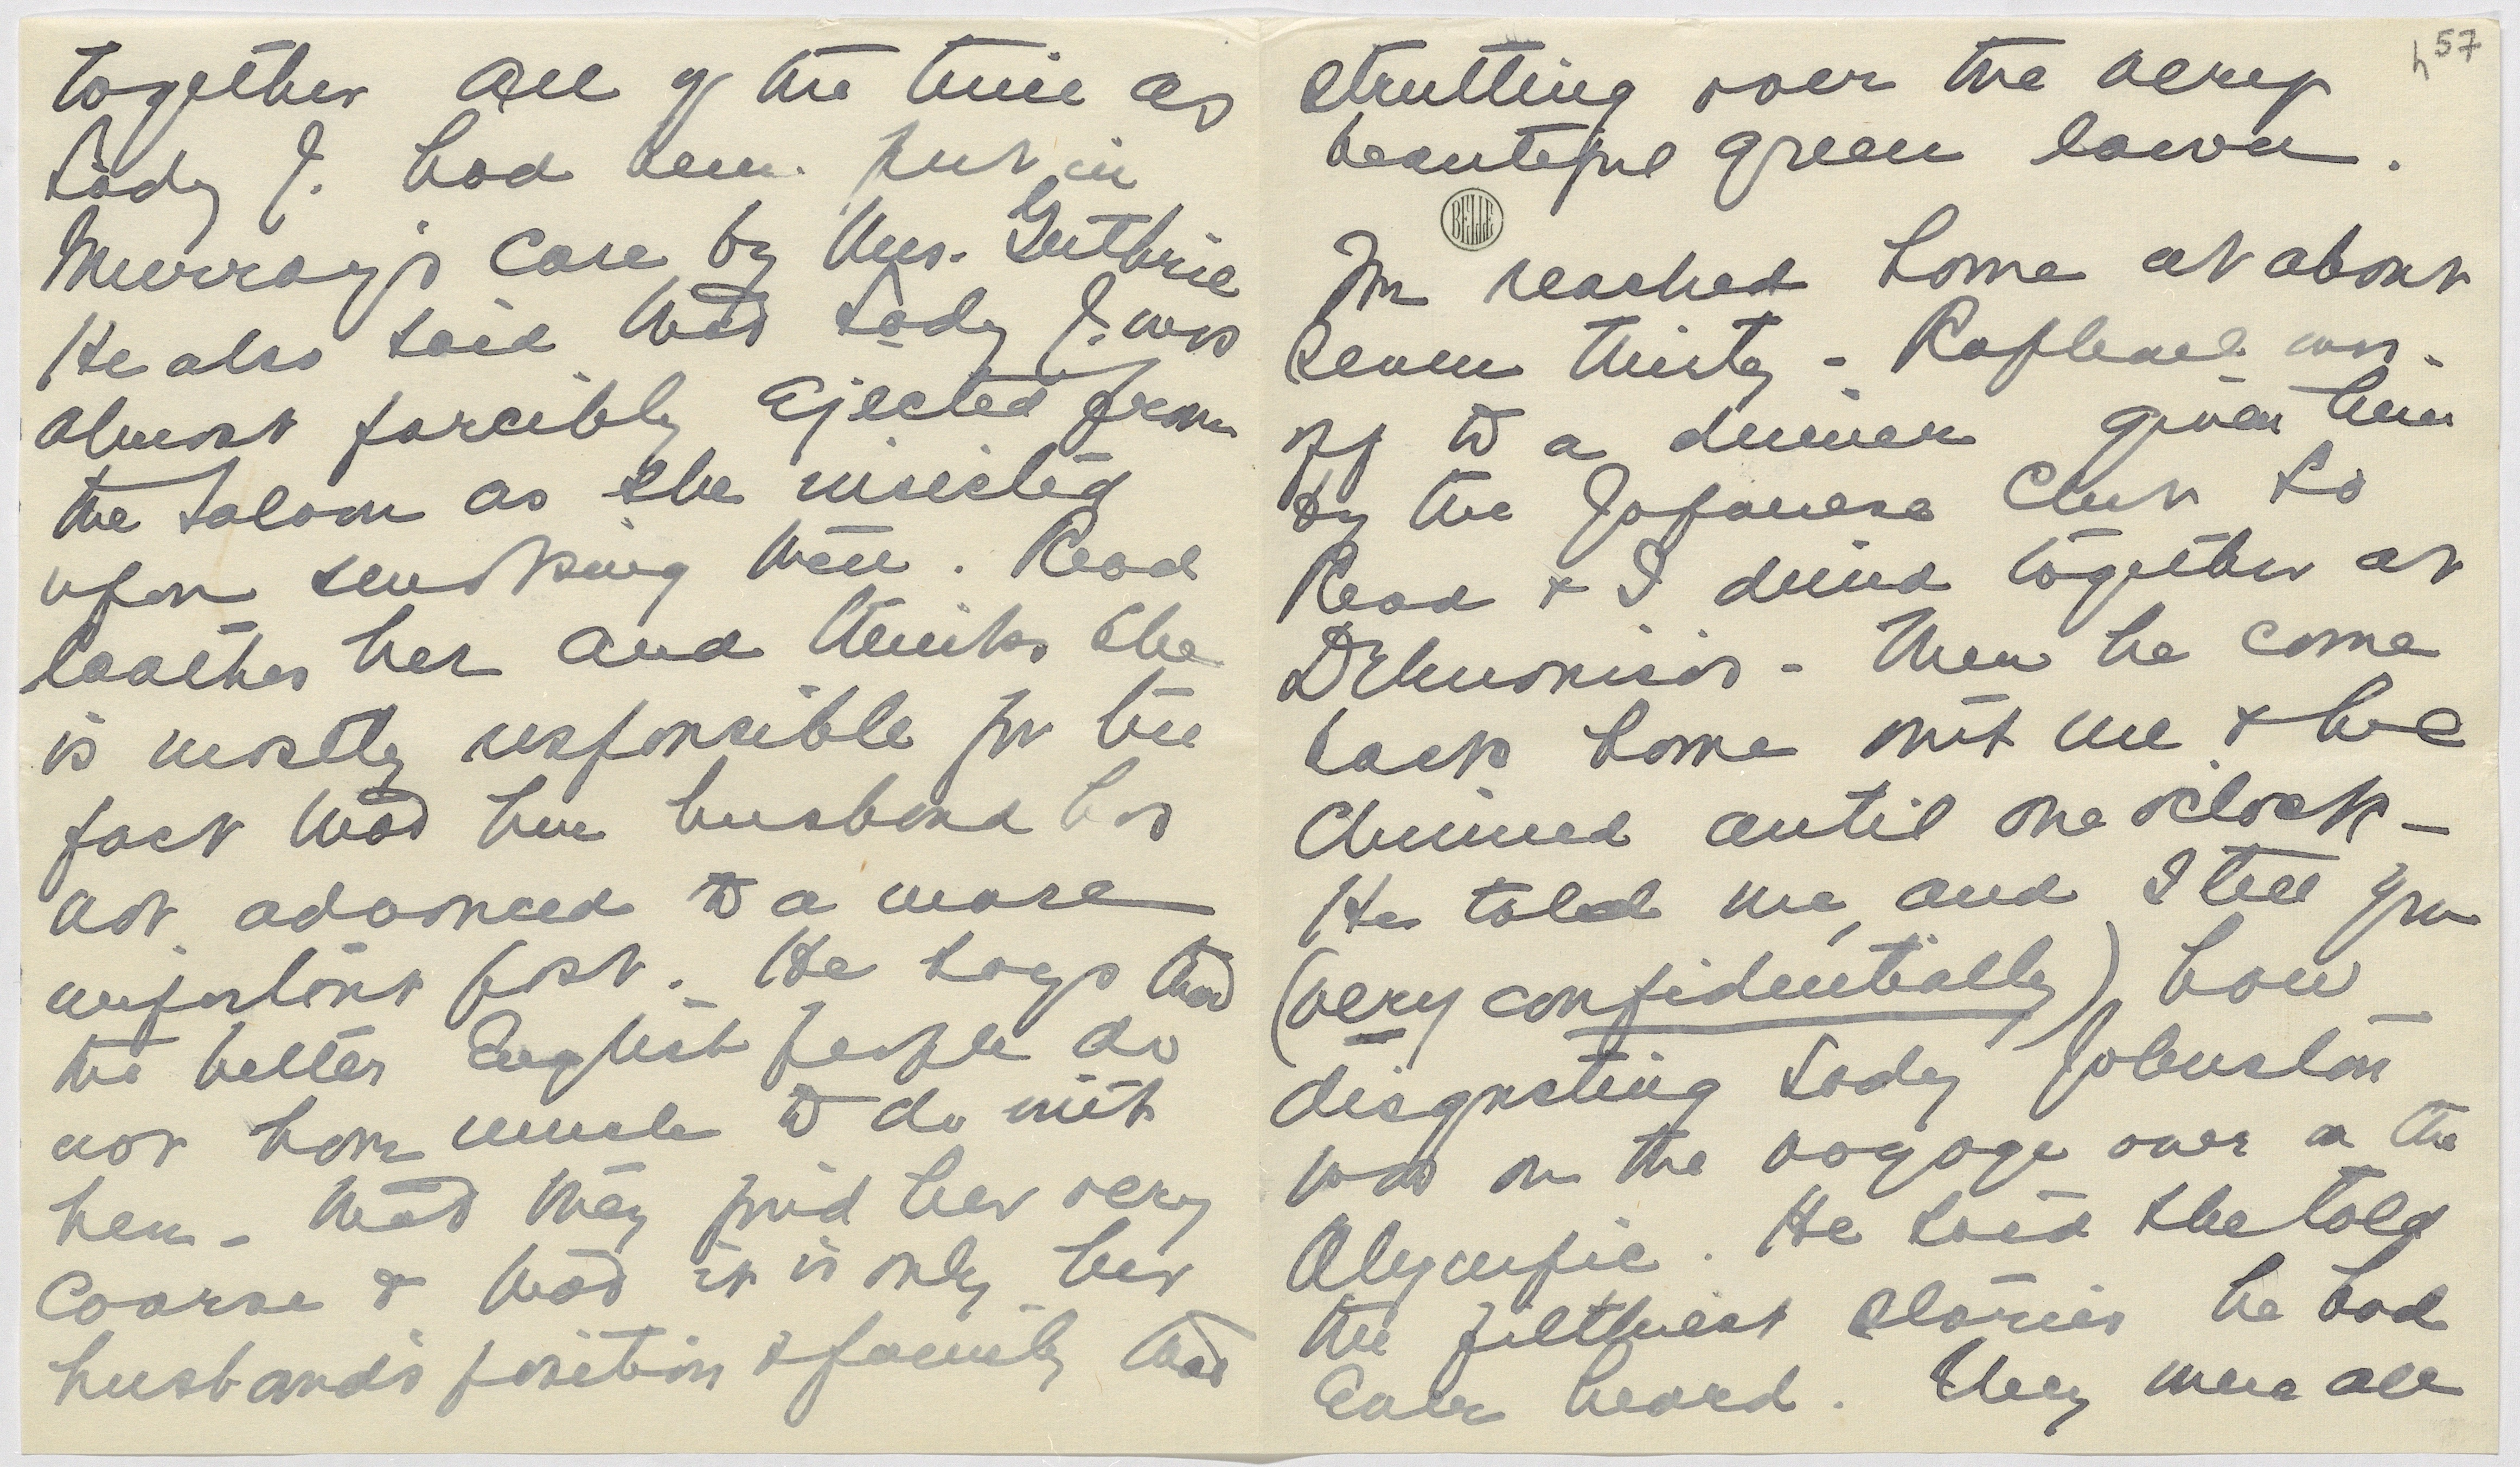strutting over the very beautiful green lawn. We reached home at about seven thirty – Raphael was off to a dinner given him by the Japanese Club so Read & I dined together at Delmonicos – then he came back home with me & we chinned until one o’clock – He told me, and I tell you (very confidentially) how disgusting Lady Johnston was on the voyage over on the Olympic. He said she told the filthiest stories he had ever heard. They were all
together all of the time as Lady J. had been put in Murray’s care by Mrs. Guthrie He also said that Lady J. was almost forcibly ejected from the Saloon as she insisted upon smoking there. Read loathes her and thinks she is mostly responsible for the fact that her husband has not advanced to a more important post. He says that the better English people do not have much to do with her – that they find her very coarse & that it is only her husband’s position & family that